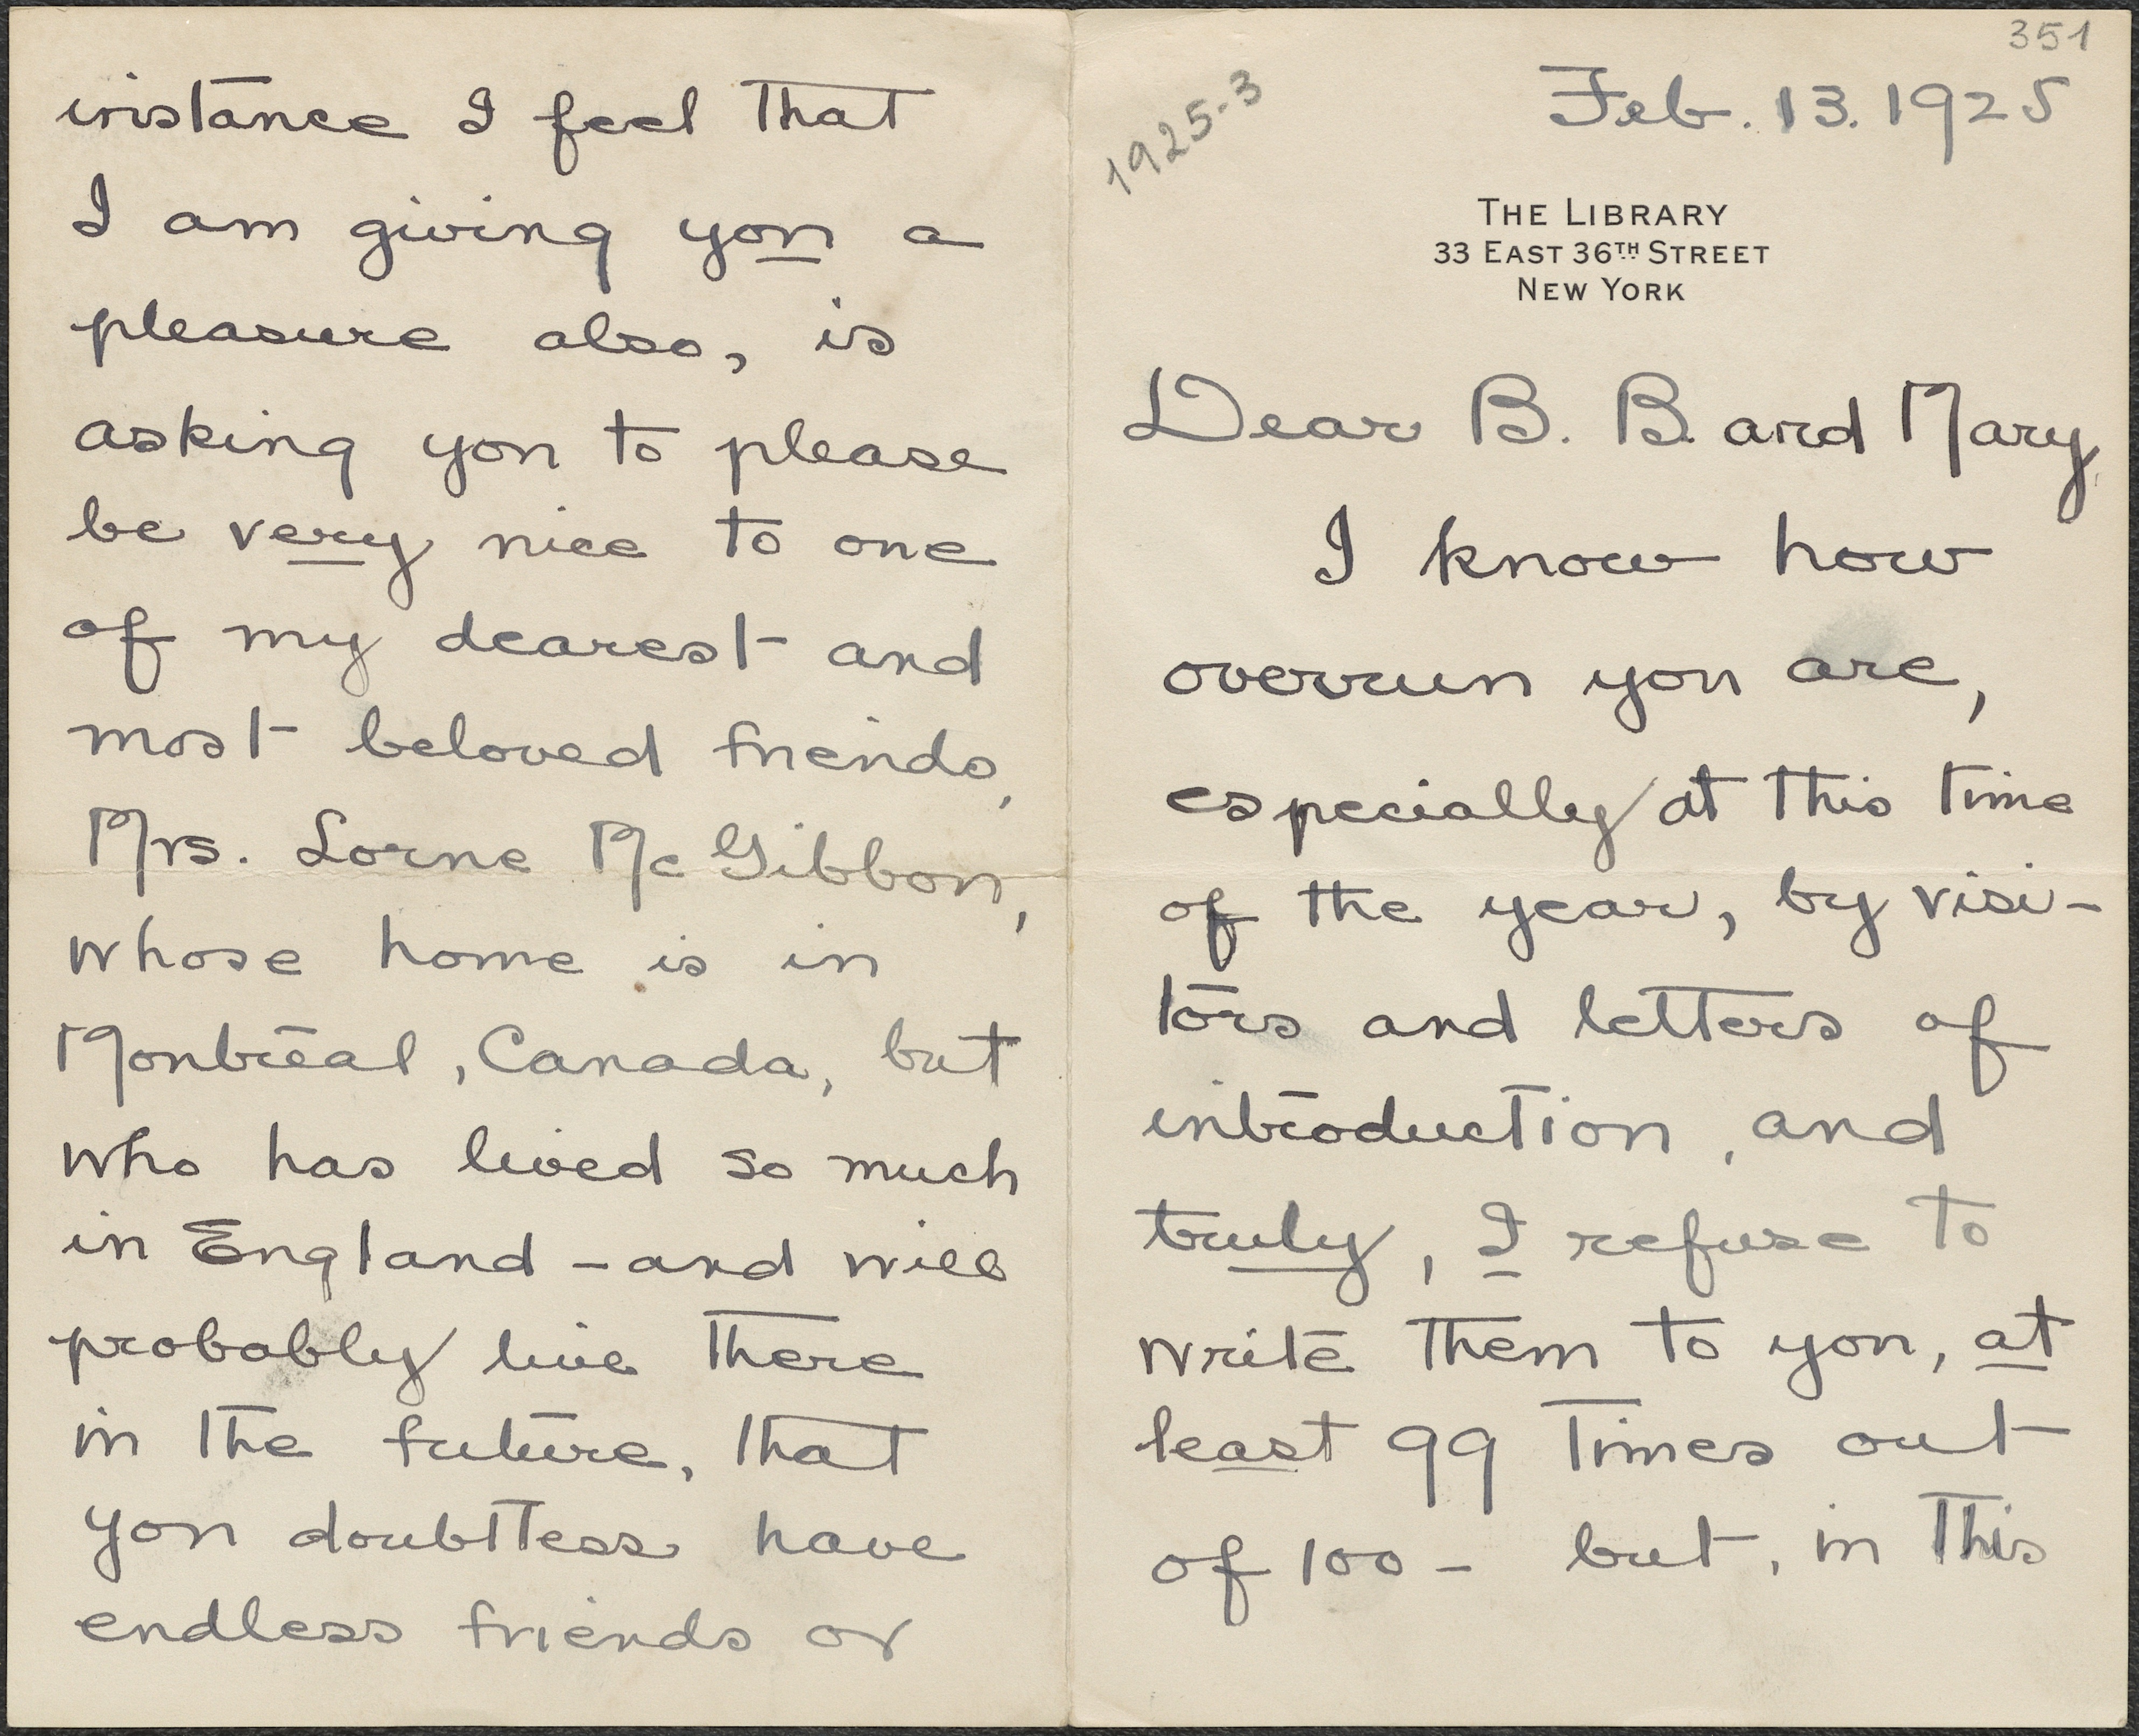Feb. 13. 1925
Dearest B.B. and Mary,
I know how overrun you are, especially at this time of the year, by visitors and letters of introduction, and truly, I refuse to write them to you, at least 99 times out of 100 – but, in this
instance I feel that I am giving you a pleasure also, is [sic] asking you to please be very nice to one of my dearest and most beloved friends, Mrs. Lorne McGibbon, whose home is in Montreal, Canada, but who has lived so much in England – and will probably live there in the future, that you doubtless have endless friends or